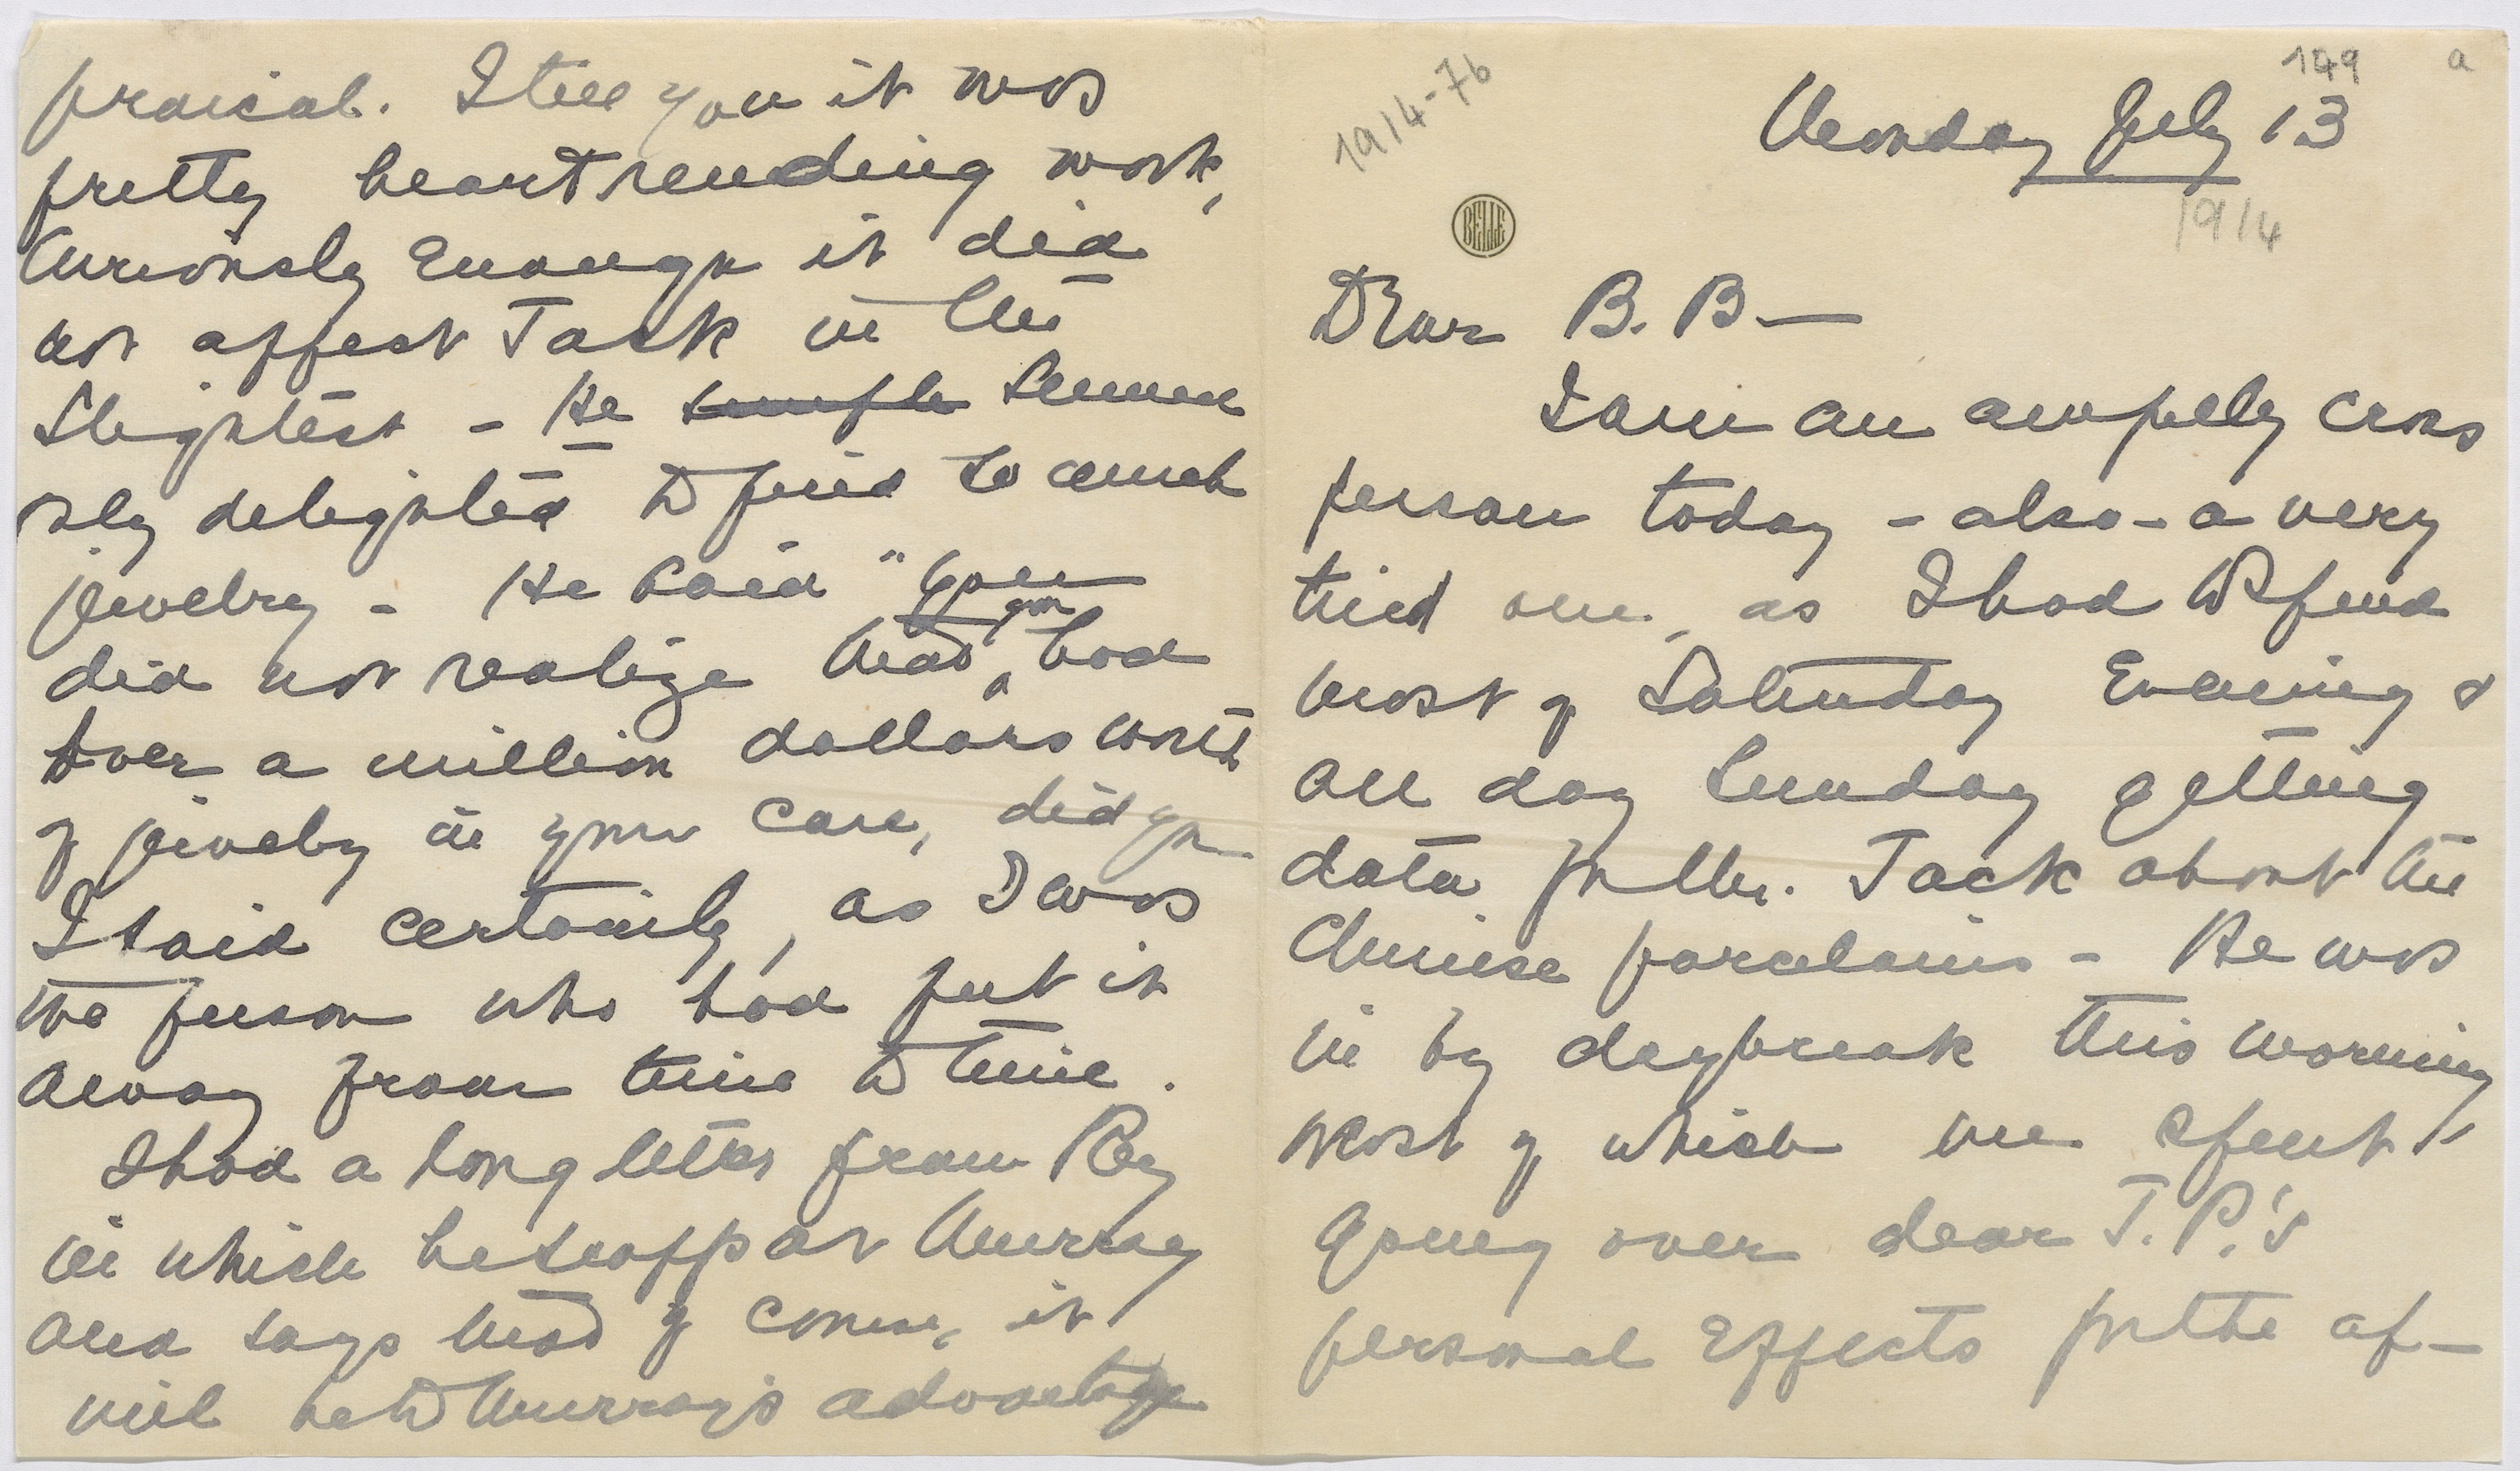Monday, July 13
Dear B.B. –
I am an awfully cross person today – also – a very tired one, as I had to spend most of Saturday evening & all day Sunday getting data for Mr. Jack about the Chinese porcelains – He was in by daybreak this morning, most of which we spent going over dear J. P.’s personal effects for the appraisal.
I tell you it was pretty heart rendingwork, curiously enough it did not affect Jack in the slightest – He simple seemed only delighted to find so much jewelry – He said “you did not realize that [^you^]had over a million dollars worth of jewelry in your care, did you I said certainly, as I was the person who had put it away from time to time.
I had a long letter from Rey in which he scoffs at Murray and says that of course, it will be to Murray’s advantage